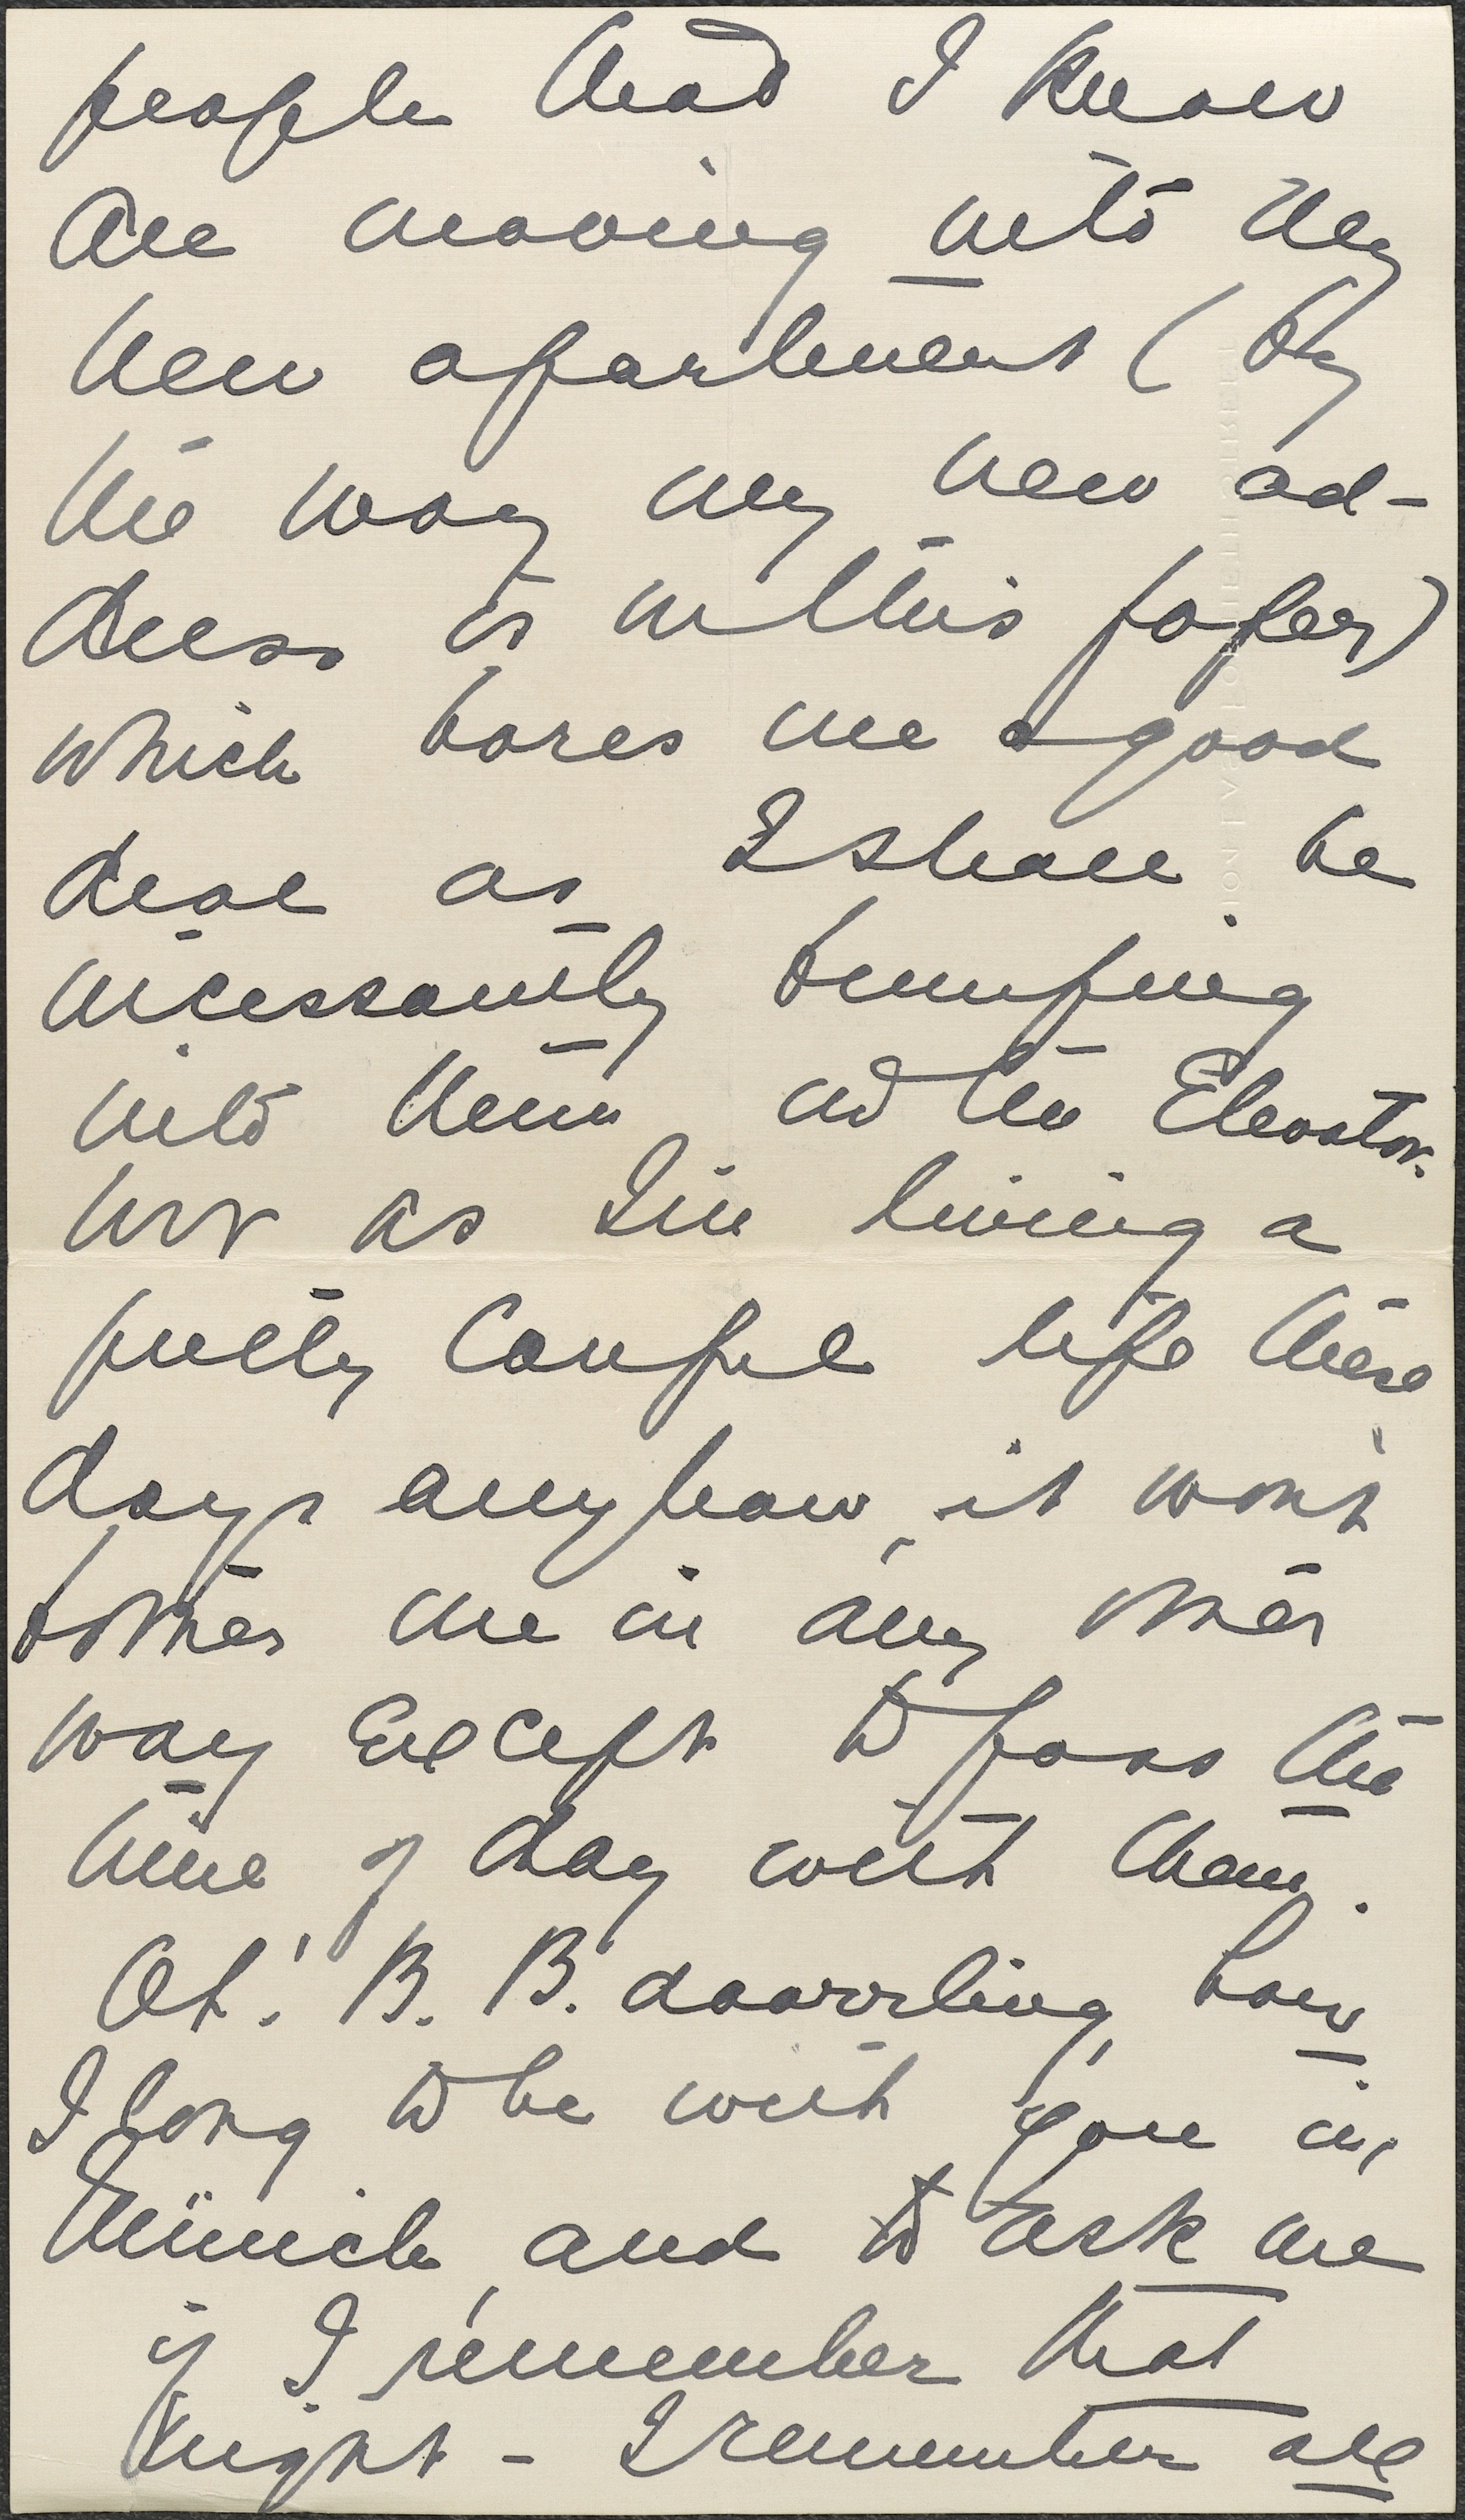people that I know are moving into my new apartment (by the way my new address is on this paper) which bores me a good deal as I shall be incessantly bumping into them in the elevator. but as I’m living a pretty careful life these days anyhow, it won’t bother me in any other way except to pass the time of day with them.
Oh! B. B. daarrling, how I long to be with you in Munich, and to ask me if I remember that night – I remember all